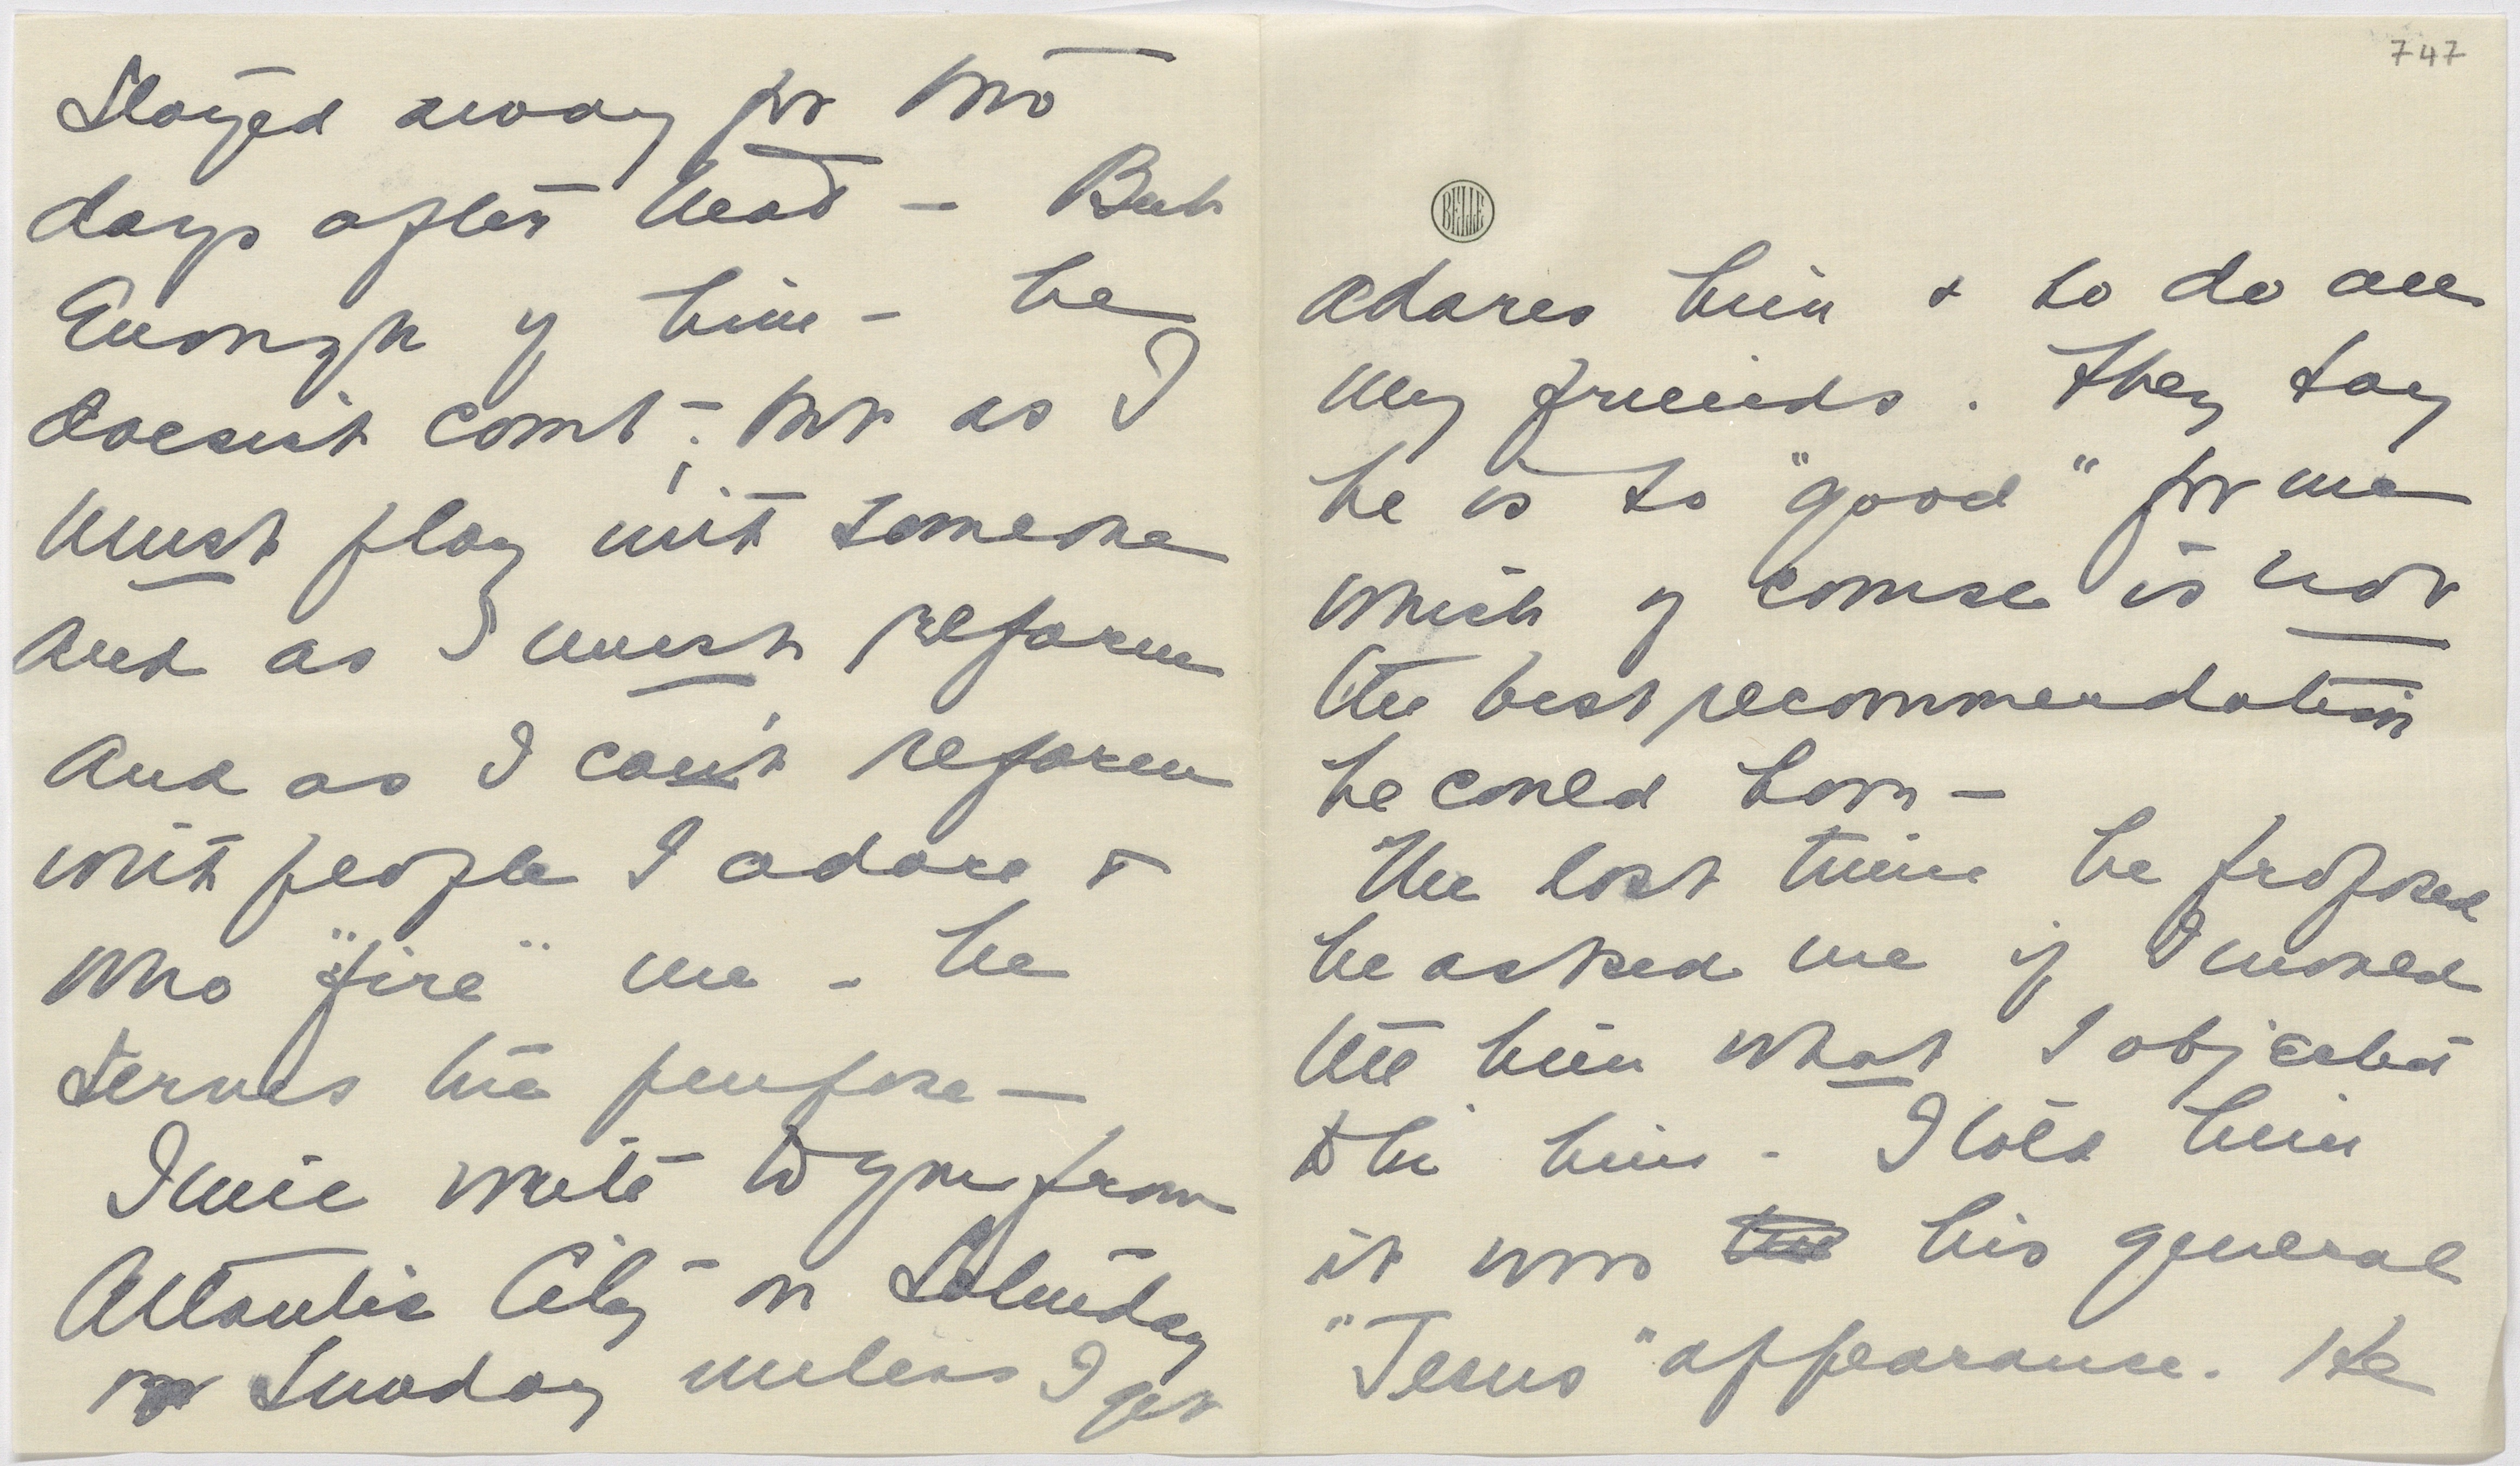adores him & so do all my friends. They say he is so “good” for me which of course is not the best recommendation he could have –
The last time he proposed he asked me if I would tell him what I objected to in him. I told him it was the his general “Jesus” appearance. He
stayed away for two days after that – But enough of him – he doesn’t count; but as I must play with someone and as I must reform and as I can’t reform with people I adore & who “fire” me – he serves the purpose –
I will write to you from Atlantic City on Saturday or Sunday unless I get